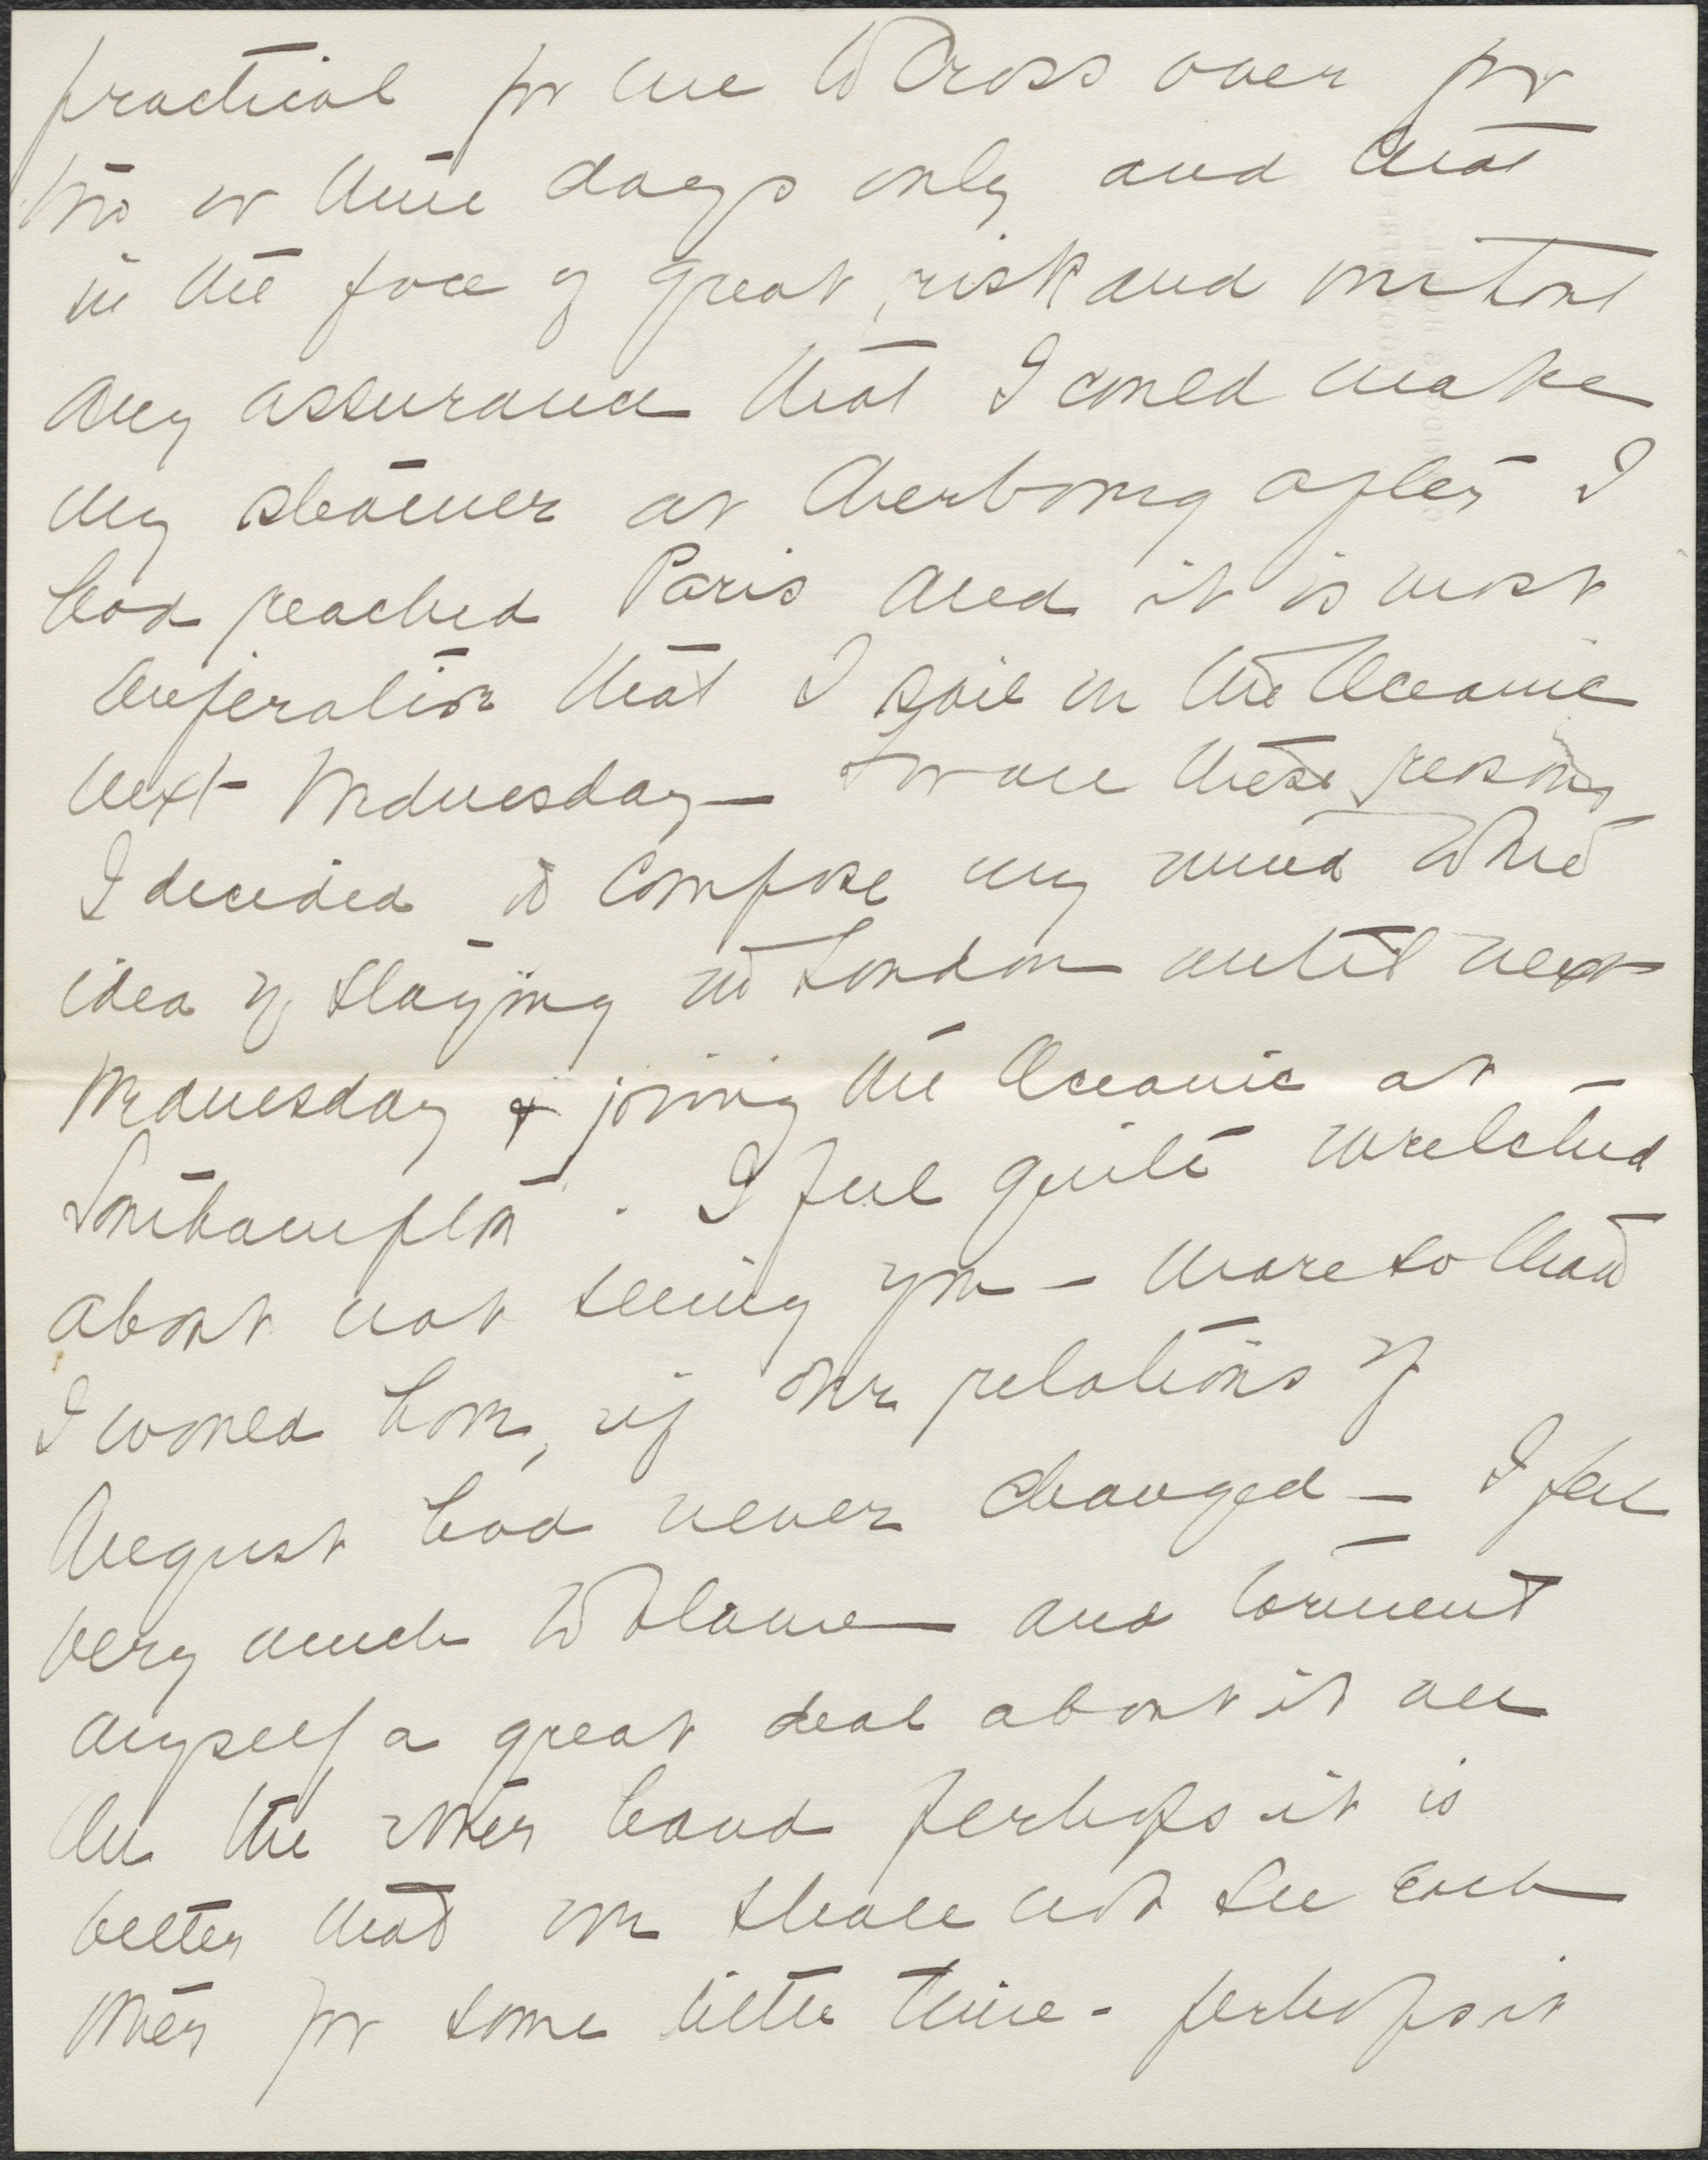for me to cross over for two or three days only and that in the face of great risk and without any assurance that I could make my steamer at Cherbourg after I had reached Paris and it is most imperative that I sail on the Oceanic next Wednesday – for all these reasons I decided to compose my mind to the idea of staying in London until next Wednesday & joining the Oceanic at Southampton. I feel quite wretched about not seeing you – more so than I would have, if our relations of August had never changed – I feel very much to blame and torment myself a great deal about it all On the other hand perhaps it is better that we shall not see each other for some little time – perhaps it